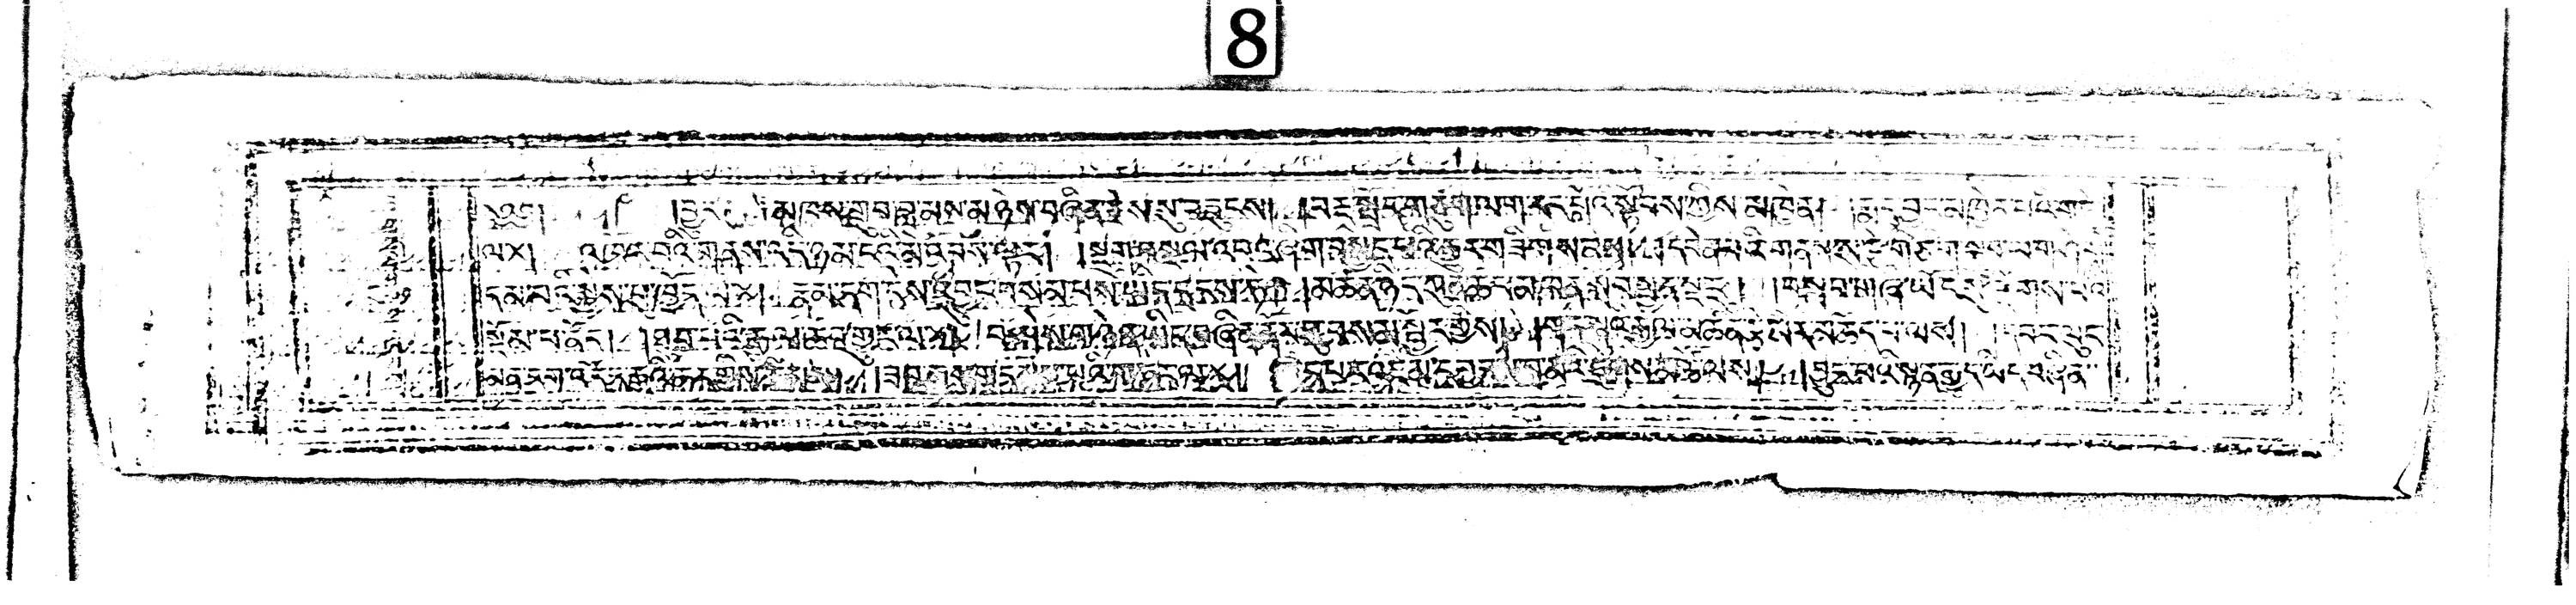༄༅། །བྱང་། །མཁས་གྲུབ་བླ་མས་མཉེས་བཞིན་རྗེས་སུ་བཟུངས། །བརྡ་སྤྲོད་གཙུག་ལག་རང་བློའི་སྟོབས་ཀྱིས་མཁྱེན། །རྨད་བྱུང་མཁྱེན་པའི་གཏེར་
ལ་྾། འཁོར་བའི་གནས་འདི་ཉམ་ངའི་མེ་འོབས་ལྟར། །སྡུག་བསྔལ་འབའ་ཞིག་བསྐྱེད་པའི་རྒྱུར་གཟིགས་ནས། །དབེན་པའི་གནས་སུ་རྩེ་གཅིག་སྒྲུབ་ལ་གཤེགས་
དམ་པའི་སྐྱེས་བུ་ཁྱོད་ལ་྾། རྣམ་དག་ངེས་འབྱུང་བསམ་པས་ཡིད་དྲངས་ཏེ། །མཚན་ཉིད་ཀུན་ཚང་མཁན་སློབ་སྤྱན་སྔ་རུ། །བསླབ་གཞི་ཡོངས་སུ་རྫོགས་པའི་
སྡོམ་པ་ནོད། །ཐུབ་པའི་རྒྱལ་ཚབ་གྱུར་ལ་྾། བཤེས་གཉེན་ཡིད་བཞིན་ནོར་བུ་བསམ་སྦྱོར་གྱིས། །གང་སྐུའི་རྒྱལ་མཚན་རྩེ་མོར་མཆོད་པ་ལས། །དབང་ལུང་
མན་ངག་འདོད་རྒུའི་ཆར་གྱིས་ཚིམས། །ཟབ་རྒྱས་གདམས་པའི་གཏེར་ལ་྾། ཁྱད་པར་འཇམ་དབྱངས་བླ་མའི་ཐུགས་མཚོ་ལས། །བྱུང་བའི་སྙན་རྒྱུད་ཡིད་བཞིན་